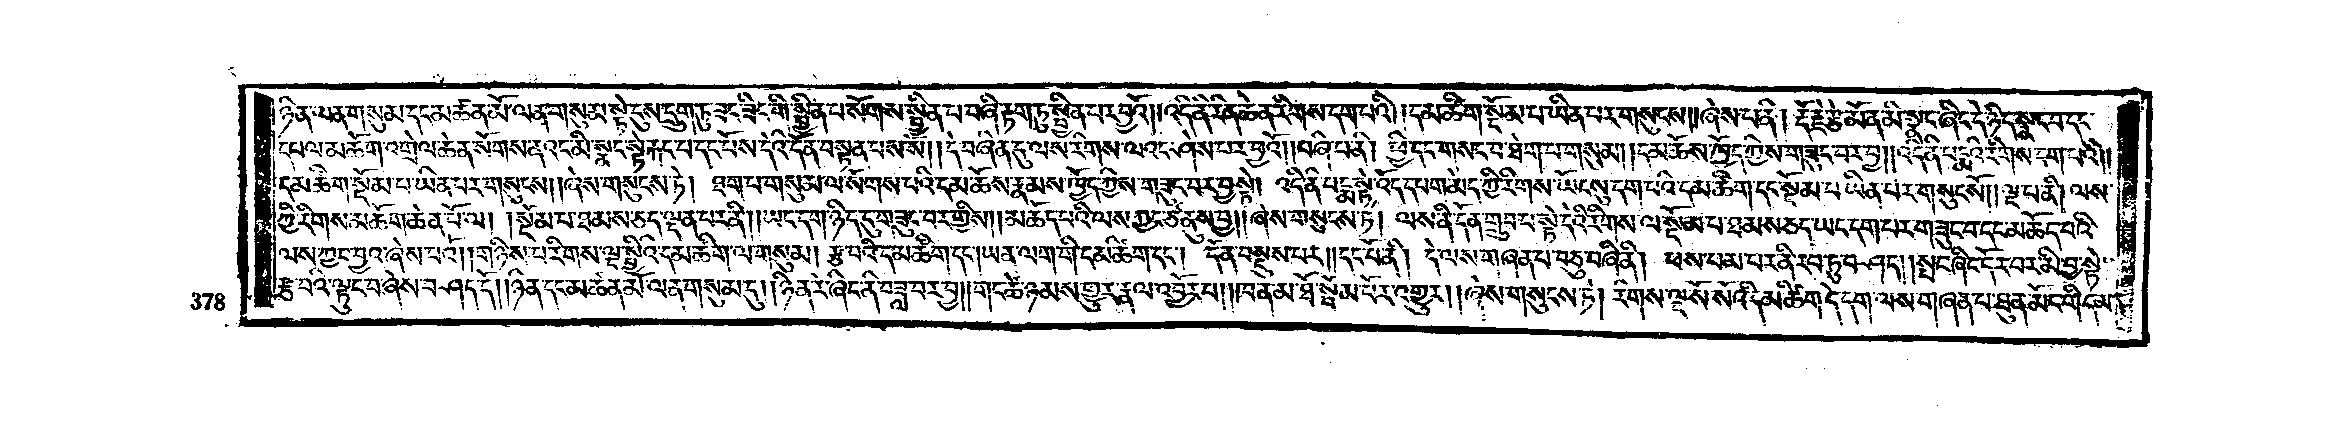ཉིན་ལན་གསུམ་དང་མཚན་མོ་ལན་གསུམ་སྟེ་དུས་དྲུག་ཏུ་ཟང་ཟིང་གི་སྦྱིན་པ་སོགས་སྦྱིན་པ་བཞི་རྟག་ཏུ་སྦྱིན་པར་བྱའོ། །འདི་ནི་རིན་ཆེན་རིགས་དག་པའི། །དམ་ཚིག་སྡོམ་པ་ཡིན་པར་གསུངས། །ཞེས་པ་ནི། རྡོ་རྗེ་རྩེ་མོ་ན་མི་སྣང་ཞིང་དེ་ཉིད་སྣང་བ་དང་
དཔལ་མཆོག་འགྲེལ་ཆེན་སོགས་ནའང་མི་སྣང་སྟེ་རྐང་པ་དང་པོས་དེའི་དོན་བསྟན་པས་སོ། །དེ་བཞིན་དུ་ལས་རིགས་ལའང་ཤེས་པར་བྱའོ། །བཞི་པ་ནི། ཕྱི་དང་གསང་བ་ཐེག་པ་གསུམ། །དམ་ཆོས་ཁྱོད་ཀྱིས་གཟུང་བར་བྱ། །འདི་ནི་པདམའི་རིགས་དག་པའི།།
དམ་ཚིག་སྡོམ་པ་ཡིན་པར་གསུངས། །ཞེས་གསུངས་ཏེ། ཐག་པ་གསུམ་ལ་སོགས་པའི་དམ་ཆོས་རྣམས་ཁྱོད་ཀྱིས་གཟུང་བར་བྱ་སྟེ། འདི་ནི་པདམ་སྟེ་འོད་དཔག་མེད་ཀྱི་རིགས་ཡོངས་སུ་དག་པའི་དམ་ཚིག་དང་སྡོམ་པ་ཡིན་པར་གསུངས་སོ། །ལྔ་པ་ནི། ལས་
ཀྱི་རིགས་མཆོག་ཆེན་པོ་ལ། །སྡོམ་པ་ཐམས་ཅད་ལྡན་པར་ནི། །ཡང་དག་ཉིད་དུ་གཟུང་བར་གྱིས། །མཆོད་པའི་ལས་ཀྱང་ཙ་?་ནུས་བྱ། །ཞེས་གསུངས་ཏེ། ལས་ནི་དོན་གྲུབ་པ་སྟེ་དེའི་རིགས་ལ་སྡོམ་པ་ཐམས་ཅད་ཡང་དག་པར་གཟུང་བ་དང་མཆོད་པའི་
ལས་ཀྱང་བྱའ་ཞེས་པའོ། །གཉིས་པ་རིགས་ལྔ་སྤྱིའི་དམ་ཚིག་ལ་གསུམ། རྩ་བའི་དམ་ཚིག་དང་། ཡན་ལག་གི་དམ་ཚིག་དང་། དོན་བསྡུས་པར། །དང་པོ་ནི། དེ་ལས་གཞན་པ་བཅུ་བཞི་ནི། ཕས་པམ་པར་ནི་རབ་ཏུ་བཤད། །སྤང་ཞིང་དོར་བར་མི་བྱ་སྟེ་
རྩ་བའི་ལྟུང་བ་ཞེས་བཤད་དོ། །ཉིན་དང་མཚན་མོ་ལན་གསུམ་དུ། །ཉིན་རེ་ཞིང་ནི་བཟླ་བར་བྱ། །གང་ཚེ་ཉམས་གྱུར་རྣལ་འབྱོར་པ། །ཁ་ན་མ་ཐོ་སྦོམ་པོར་འགྱུར། །ཞེས་གསུངས་ཏེ། རིགས་ལྔ་སོ་སོའི་དམ་ཚིག་དེ་དག་ལས་གཞན་པ་ཐུན་མོང་གི་དམ་